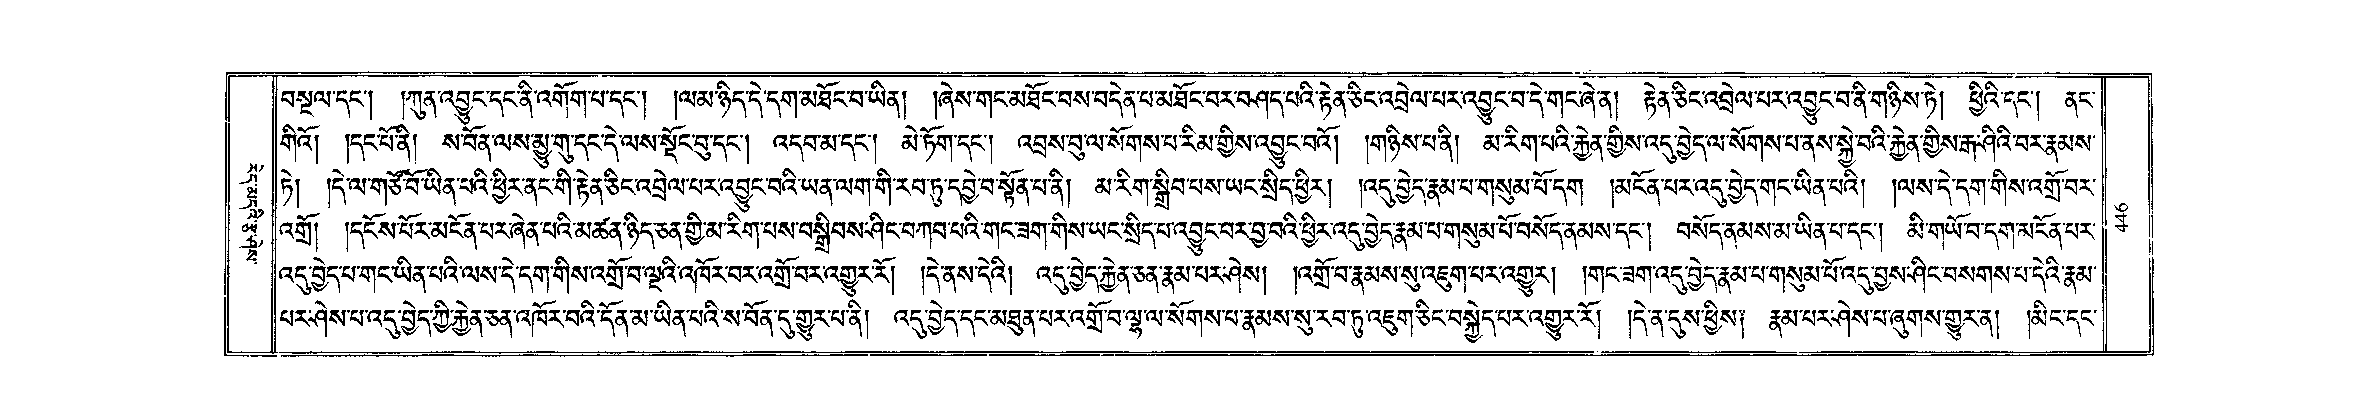བསྔལ་དང་། །ཀུན་འབྱུང་དང་ནི་འགོག་པ་དང་། །ལམ་ཉིད་དེ་དག་མཐོང་བ་ཡིན། །ཞེས་གང་མཐོང་བས་བདེན་པ་མཐོང་བར་བཤད་པའི་རྟེན་ཅིང་འབྲེལ་པར་འབྱུང་བ་དེ་གང་ཞེ་ན། རྟེན་ཅིང་འབྲེལ་པར་འབྱུང་བ་ནི་གཉིས་ཏེ། ཕྱིའི་དང་། ནང་
གིའོ། །དང་པོ་ནི། ས་བོན་ལས་མྱུ་གུ་དང་དེ་ལས་སྡོང་བུ་དང་། འདབ་མ་དང་། མེ་ཏོག་དང་། འབྲས་བུ་ལ་སོགས་པ་རིམ་གྱིས་འབྱུང་བའོ། །གཉིས་པ་ནི། མ་རིག་པའི་རྐྱེན་གྱིས་འདུ་བྱེད་ལ་སོགས་པ་ནས་སྐྱེ་བའི་རྐྱེན་གྱིས་རྒ་ཤིའི་བར་རྣམས་
ཏེ། །དེ་ལ་གཙོ་བོ་ཡིན་པའི་ཕྱིར་ནང་གི་རྟེན་ཅིང་འབྲེལ་པར་འབྱུང་བའི་ཡན་ལག་གི་རབ་ཏུ་དབྱེ་བ་སྟོན་པ་ནི། མ་རིག་སྒྲིབ་པས་ཡང་སྲིད་ཕྱིར། །འདུ་བྱེད་རྣམ་པ་གསུམ་པོ་དག །མངོན་པར་འདུ་བྱེད་གང་ཡིན་པའི། །ལས་དེ་དག་གིས་འགྲོ་བར་
འགྲོ། །དངོས་པོར་མངོན་པར་ཞེན་པའི་མཚན་ཉིད་ཅན་གྱི་མ་རིག་པས་བསྒྲིབས་ཤིང་བཀབ་པའི་གང་ཟག་གིས་ཡང་སྲིད་པ་འབྱུང་བར་བྱ་བའི་ཕྱིར་འདུ་བྱེད་རྣམ་པ་གསུམ་པོ་བསོད་ནམས་དང་། བསོད་ནམས་མ་ཡིན་པ་དང་། མི་གཡོ་བ་དག་མངོན་པར་
འདུ་བྱེད་པ་གང་ཡིན་པའི་ལས་དེ་དག་གིས་འགྲོ་བ་ལྔའི་འཁོར་བར་འགྲོ་བར་འགྱུར་རོ། །དེ་ནས་དེའི། འདུ་བྱེད་རྐྱེན་ཅན་རྣམ་པར་ཤེས། །འགྲོ་བ་རྣམས་སུ་འཇུག་པར་འགྱུར། །གང་ཟག་འདུ་བྱེད་རྣམ་པ་གསུམ་པོ་འདུ་བྱས་ཤིང་བསགས་པ་དེའི་རྣམ་
པར་ཤེས་པ་འདུ་བྱེད་ཀྱི་རྐྱེན་ཅན་འཁོར་བའི་དོན་མ་ཡིན་པའི་ས་བོན་དུ་གྱུར་པ་ནི། འདུ་བྱེད་དང་མཐུན་པར་འགྲོ་བ་ལྷ་ལ་སོགས་པ་རྣམས་སུ་རབ་ཏུ་འཇུག་ཅིང་བསྐྱེད་པར་འགྱུར་རོ། །དེ་ན་དུས་ཕྱིས། རྣམ་པར་ཤེས་པ་ཞུགས་གྱུར་ན། །མིང་དང་